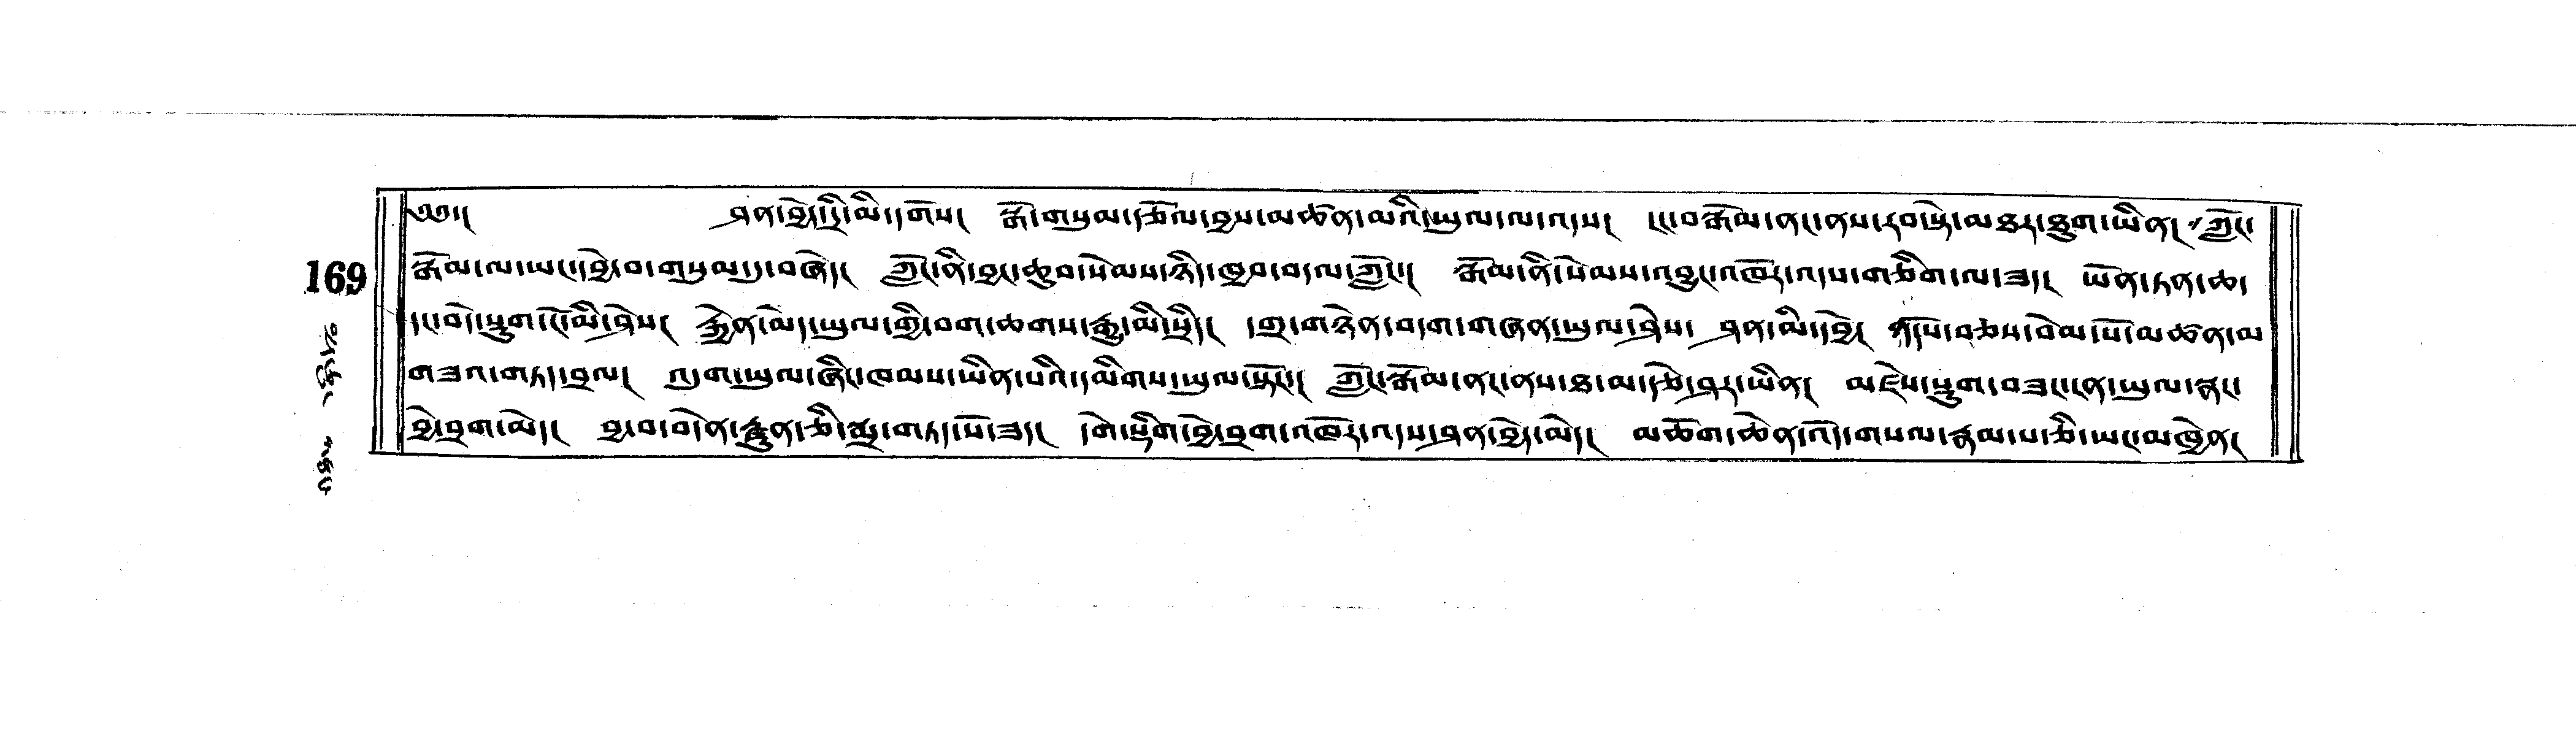ཤན་བྱེད་དྲི་མི་དགོས། སྒོ་གསུམ་རྩོལ་བྱས་མཚན་མའི་ཡུལ་ལས་འདས། ངང་སྒོམ་ནང་ནས་རབ་སྟེ་མཐར་ཐུག་ཡིན། ༧ ཀློང་
སྒོམ་ལ་ཡང་དབྱེ་བ་གསུམ་དུ་བཞེད། ཀློང་ནི་བྱང་ཆུབ་སེམས་ཉིད་ཁྱབ་བདལ་ཀློང་། སྒོམ་ནི་སེམས་བྱུང་འཁོར་འདས་གཅིག་ལ་ཟད། ཡོན་ཏན་ཆ་
དང་བདེ་སྡུག་ངོ་མི་ཤེས། རྐྱེན་མེད་ཡུལ་གྱི་བག་ཆགས་རྒྱུ་མི་སྲིད། དགྲ་གཉེན་བདག་གཞན་ཡུལ་ཤེས་ཤན་མི་དབྱེ། གདོས་བཅས་བེམ་པོ་མཚན་མ་
གཟའ་གཏད་བྲལ། འདུག་ཡུལ་ཞིང་ཁམས་ཡིན་པའི་དམིགས་ཡུལ་སྟོང་། ཀློང་སྒོམ་ནང་ནས་ཐ་མ་རྩེ་ཤར་ཡིན། མཛེས་སྡུག་བཟང་ངན་ཡུལ་སྣང་
བྱེ་བྲག་མེད། བྱ་བ་བདེན་རྫུན་ཅི་སྨྲ་གཏད་སོ་ཟད། དགེ་སྡིག་བྱེ་བྲག་འཁོར་འདས་ཤན་བྱེད་མེད། མཆོག་ཆེན་འོད་གསལ་རྣམ་པ་ཅི་ཡང་མཁྱེན།